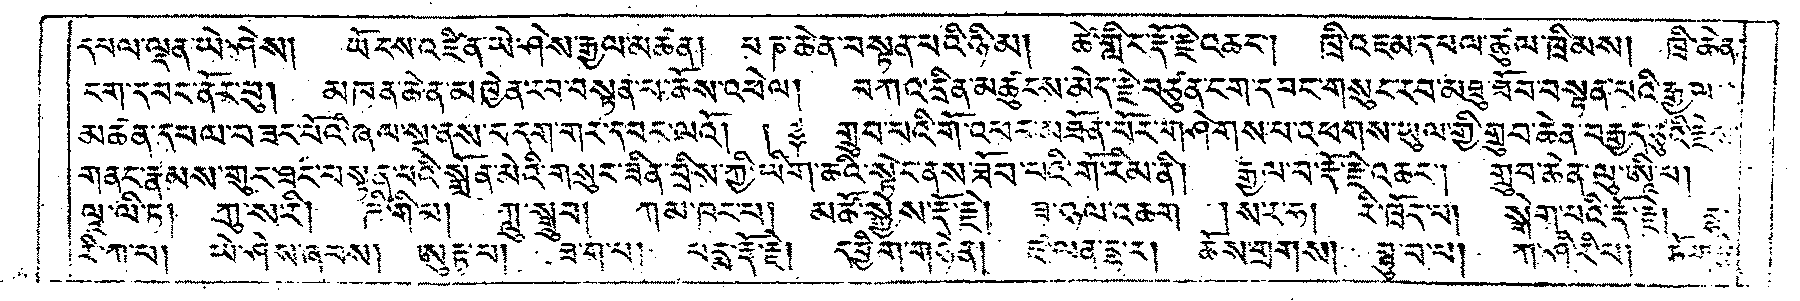དཔལ་ལྡན་ཡེ་ཤེས། ཡོངས་འཛིན་ཡེ་ཤེས་རྒྱལ་མཚན། པཎ་ཆེན་བསྟན་པའི་ཉི་མ། ཚེ་གླིང་རྡོ་རྗེ་འཆང་། ཁྲི་འཇམ་དཔལ་ཚུལ་ཁྲིམས། ཁྲི་ཆེན་
ངག་དབང་ནོར་བུ། མཁན་ཆེན་མཁྱེན་རབ་བསྟན་པ་ཆོས་འཕེལ། བཀའ་དྲིན་མཚུངས་མེད་རྗེ་བཙུན་ངག་དབང་གསུང་རབ་མཐུ་ཐོབ་བསྟན་པའི་རྒྱལ་
མཚན་དཔལ་བཟང་པོའི་ཞལ་སྔ་ནས་བདག་གར་དབང་ལའོ། །༈ གྲུབ་པའི་གོ་འཕང་མཐོན་པོར་གཤེགས་པ་འཕགས་ཡུལ་གྱི་གྲུབ་ཆེན་བརྒྱད་ཅུའི་རྗེས་
གནང་རྣམས་གུང་ཐང་བསྟན་པའི་སྒྲོན་མེའི་གསུང་ཟིན་བྲིས་ཀྱི་ཡིག་ཆའི་སྟེང་ནས་ཐོབ་པའི་གོ་རིམ་ནི། རྒྱལ་བ་རྡོ་རྗེ་འཆང་། གྲུབ་ཆེན་ལུ་ཨཱི་པ།
ལཱ་ལི་ཏ། ཀུ་ས་རི། ཌིཾ་གི་པ། ཀླུ་སྒྲུབ། ཀམ་ཁང་པ། མཚོ་སྐྱེས་རྡོ་རྗེ། ཟ་ཉལ་འཆག །ས་ར་ཧ། རི་ཁྲོད་པ། སྒེག་པའི་རྡོ་རྗེ། དྷ་
རི་ཀ་པ། ཡེ་ཤེས་ཞབས། ཨུརྟ་པ། ཐ་ག་པ། པདམ་རྡོ་རྗེ། དབྱིག་གཉེན། ཛ་ལན་དྷ་ར། ཆོས་གྲགས། བྷུ་བ་པ། ཀ་ཤི་རི་པ། ཏོག་རྩེ་